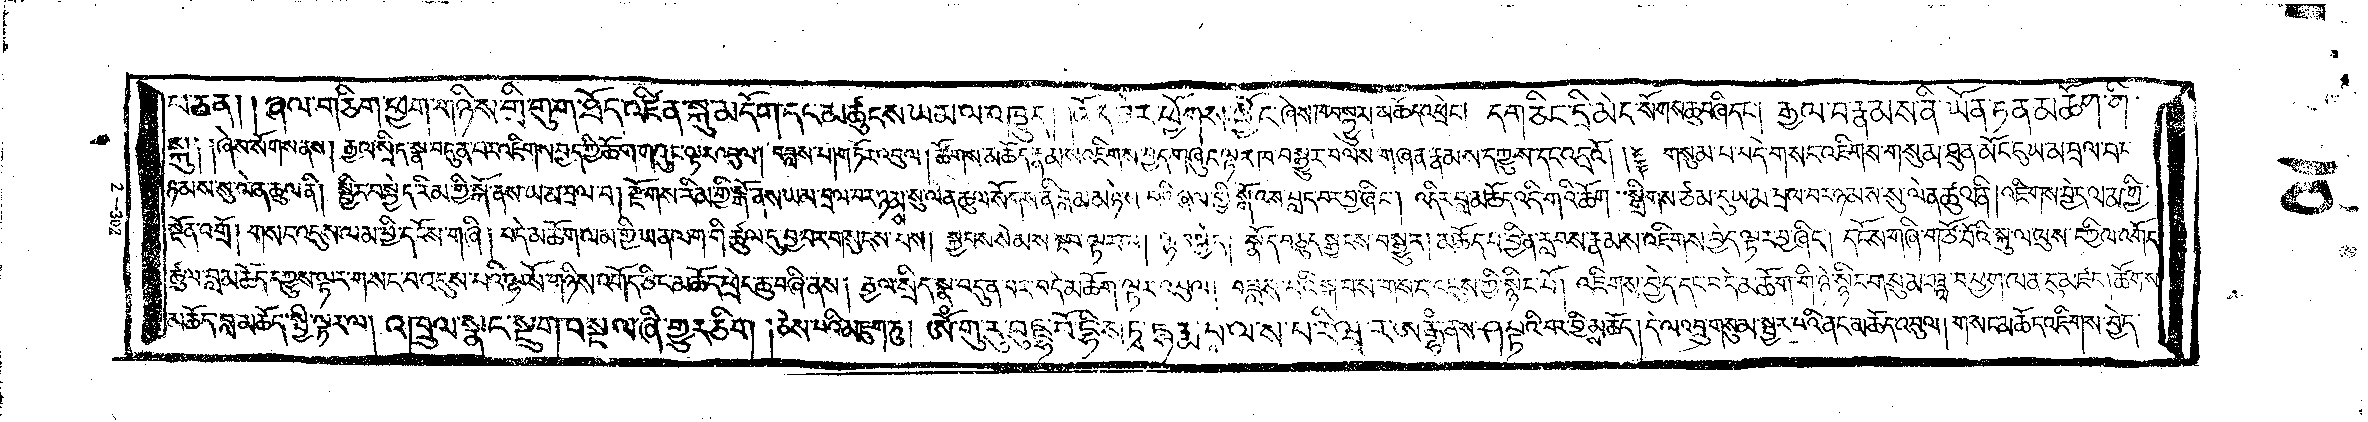པ་ཅན། །ཞལ་གཅིག་ཕྱག་གཉིས་གྲི་གུག་ཐོད་འཛིན་སྐུ་མདོག་དང་མཚུངས་ཡམ་ལ་འཁྱུད། །འོད་ཟེར་ཕྱོགས་སྐྱོངས་ཞེས་ཁ་བསྐྱུར། མཆོད་འཕྲེང་།  དག་ཅིང་དྲི་མེད་སོགས་ཆུ་བཞི་དང་།  རྒྱལ་བ་རྣམས་ནི་ཡོན་ཏན་མཆོག་གི་
སྐུ༑ ༑ཞེས་སོགས་ནས། རྒྱལ་སྲིད་སྣ་བདུན་པར་འཇིགས་བྱད་ཀྱི་ཆོག་གའུང་ལྟར་འབུལ། བཟླས་པ། གཏོར་འབུལ། ཚོགས་མཆོད་རྣམས་འཇིགས་བྱད་གཞུང་ལྟར་ཁ་བསྒྱུར་བ་ལས་གཞན་རྣམས་དཀྱུས་དང་འདྲའོ། །༈ གསུམ་པ་བདེ་གསང་འཇིགས་གསུམ་ཐུན་མོང་དུ་ཡམ་བྲལ་བར་
ཉམས་སུ་ལེན་ཚུལ་ནི། སྤྱིར་བསྐྱེད་རིམ་གྱི་སྒོ་ནས་ཡམ་བྲལ་བ། རྫོགས་རིམ་གྱི་སྒོ་ནས་ཡམ་བྲལ་བར་ཉམས་སུ་ལེན་ཆུལ་སོགས་ནི་བླ་མ་ཉེས་པའི་ཞལ་གྱི་སྒོའས་བླད་བར་བྱ་ཞིང་། འདིར་བླ་མཆོད་འདི་གའི་ཆོག་སྒྲིགས་ཙམ་དུ་ཡ་མ་པྲལ་བར་ཉམས་སུ་ལེན་ཚུལ་ནི། འཇིགས་བྱེད་ལམ་གྱི་
སྔོན་འགྲོ། གསང་འདུས་ལམ་ཕྱི་དངོས་གཞི། བདེ་མཆོག་ལམ་གྱི་ཡན་ལག་གི་ཚུལ་དུ་བྱ་བར་གསུངས་པས། སྐྱབས་སེམས་སྔ་བ་ལྟར་ལ། ལྷ་བསྐྱེད། སྣོད་བཅུད་སྐྱངས་བསྒྱུར། མཆོད་པ་བྱིན་རླབས་རྣམས་འཇིགས་བྱེད་ལྟར་བྱ་ཞིང་། དངོས་གཞི་གཙོ་བོའི་སྐུ་ལ་ལུས་དཀྱིལ་འགོད་
ཚུལ་བླ་མཆོད་དཀྱུས་ལྟར་གསང་བ་འདུས་པའི་ལྷ་སོ་གཉིས་འགོད་ཅིང་མཆོད་ཕྲེང་ཆུ་བཞི་ནས། རྒྱལ་སྲིད་སྣ་བདུན་བར་བདེ་མཆོག་ལྟར་འབུལ། བཟླས་པའི་སྐབས་གསང་འདུས་ཀྱི་སྙིང་པོ། འཇིགས་བྱེད་དང་བདེ་མཆོག་གི་ཉེ་སྙིང་གསུམ་བཟླ་བ་ཕྱག་ལན་དུ་མཛད། ཚོགས་
མཆོད་བླ་མཆོད་སྤྱི་ལྟར་ལ། འཁྲུལ་སྣང་སྡུག་བསྔལ་ཞི་གྱུར་ཅིག་༑ཅེས་པའི་མཇུག་ཏུ།  ཨོཾ་གུ་རུ་བུདྡྷ་བོདྷིསཏྭ་དྷརྨ་པཱ་ལ་ས་པ་རི་ཝཱ་ར་ཨརྒྷཾ་ཤཔྟའི་བར་བྱིས་མཆོད། དེ་ལ་འབྲུ་གསུམ་སྦྱར་པའི་ནང་མཆོད་འབུལ། གསང་མཆོད་འཇིགས་བྱེད་